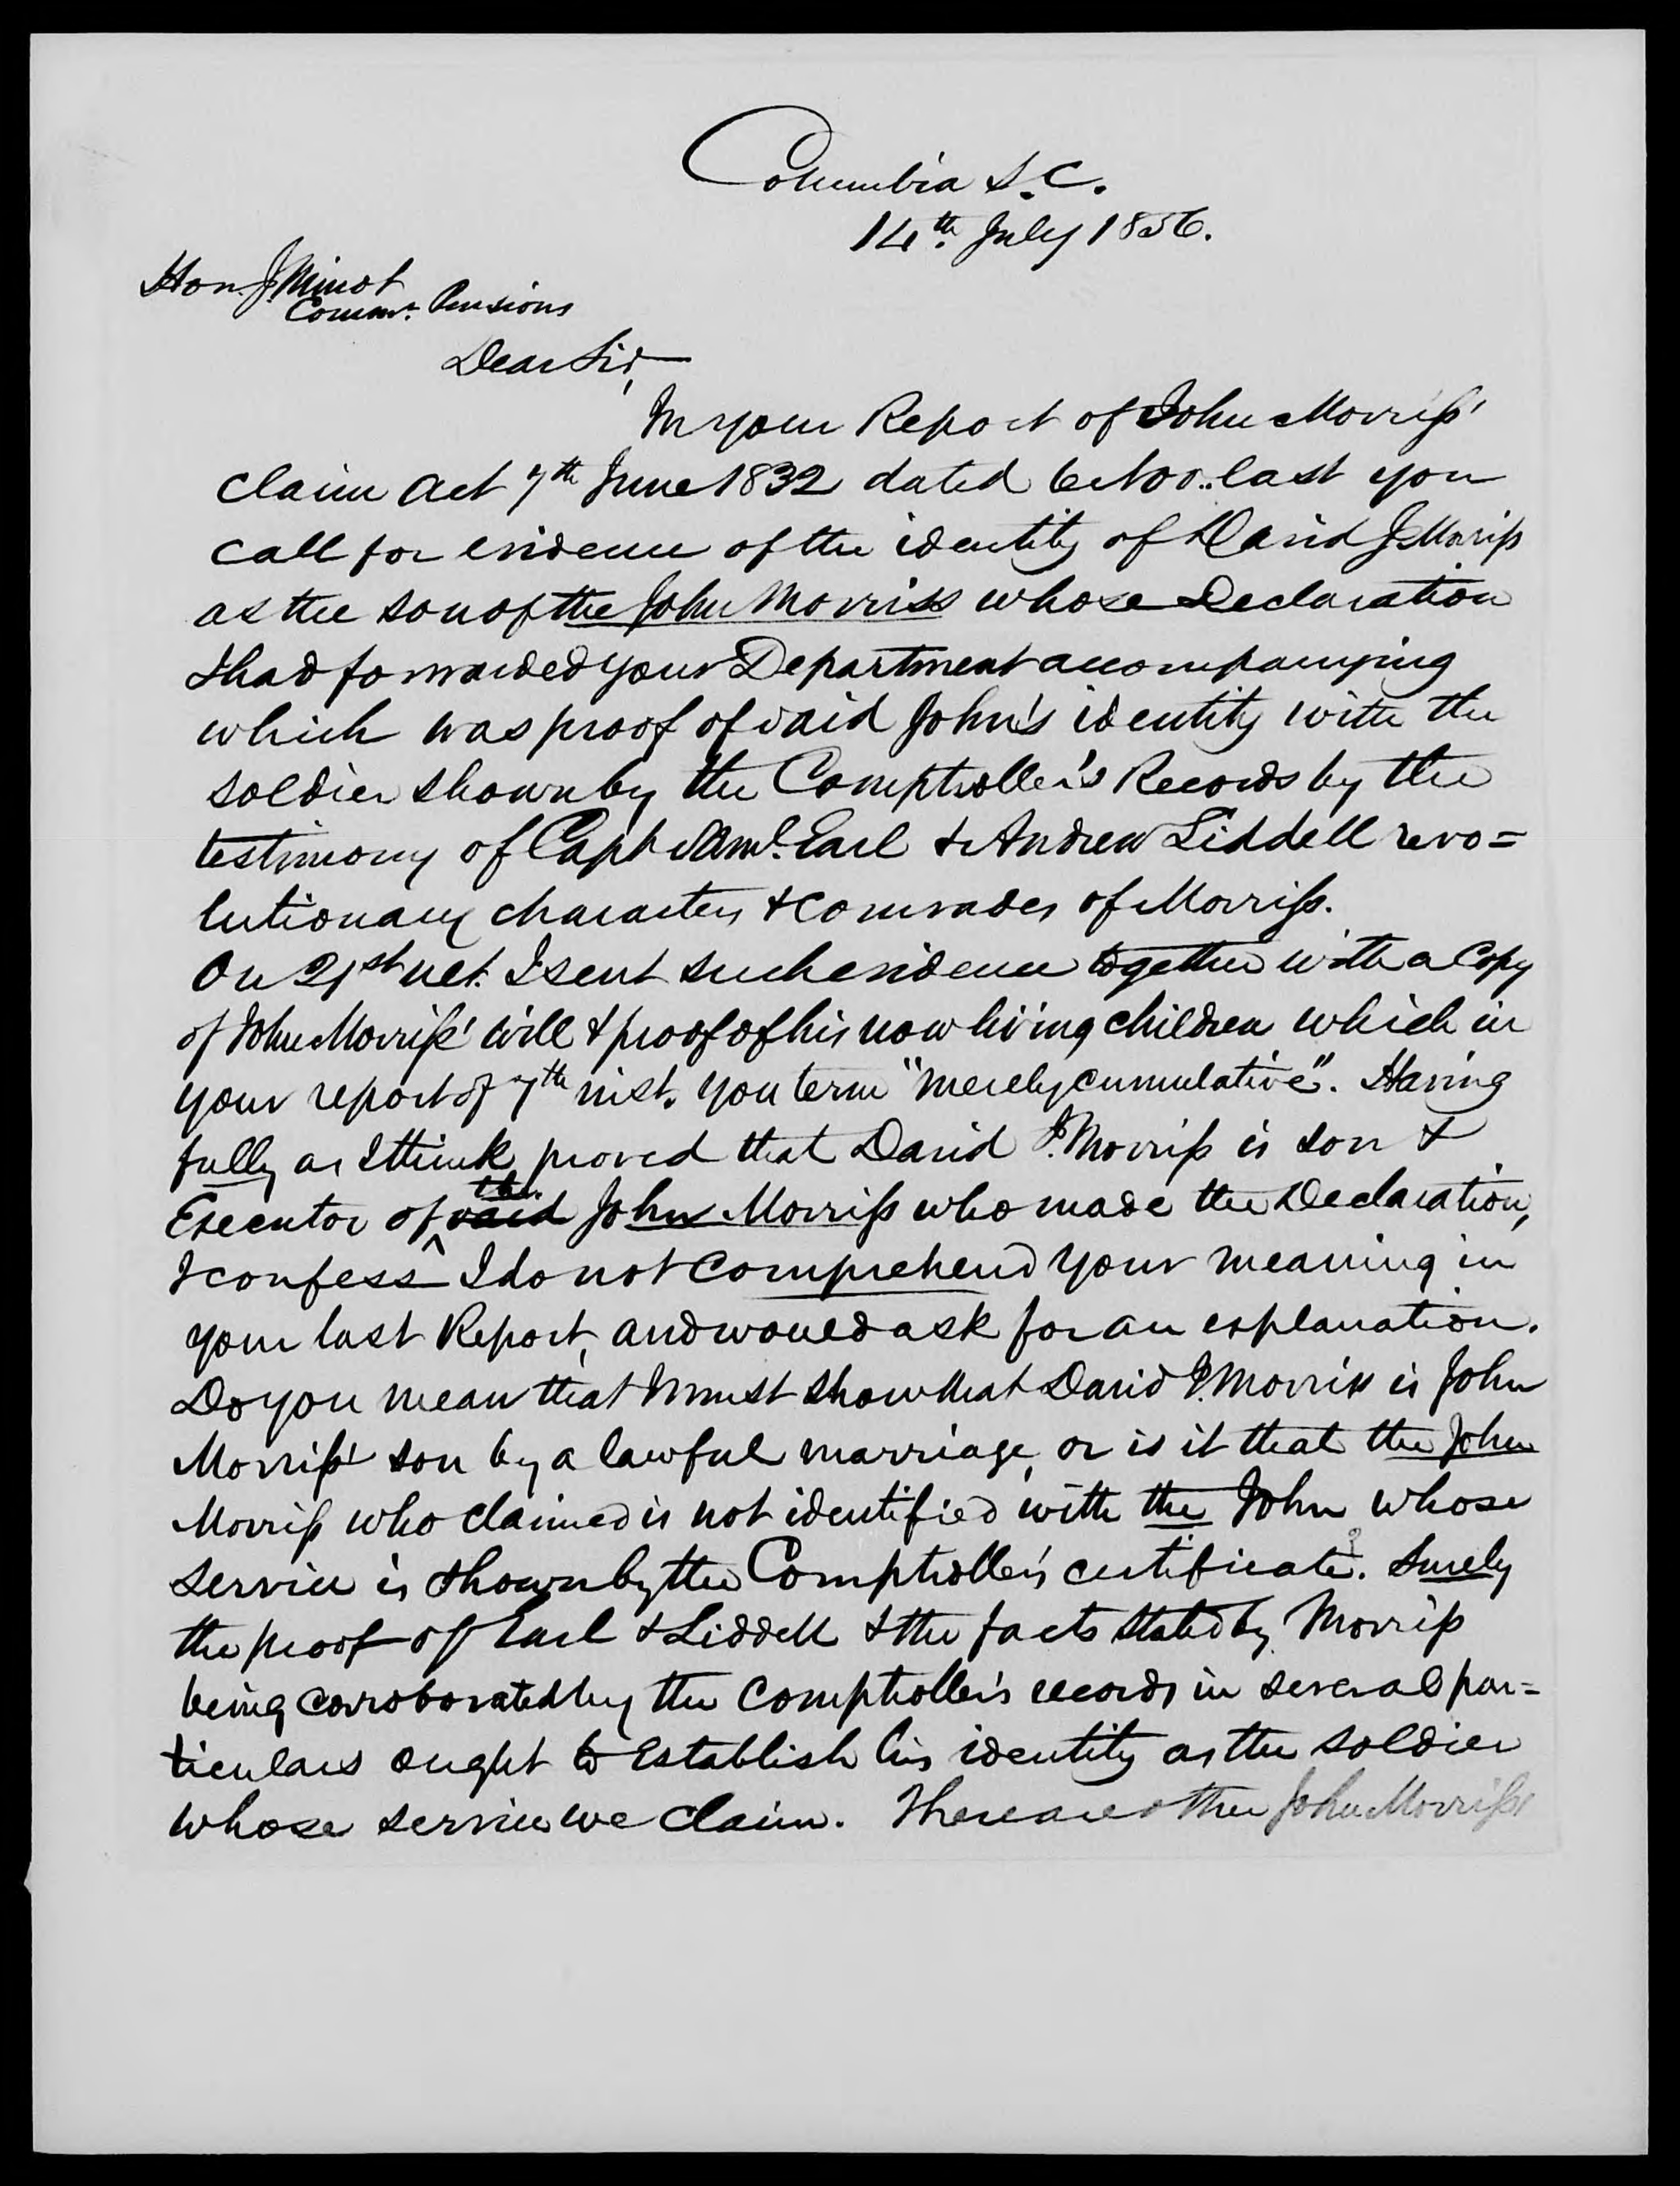Columbia S.C. 14th July 1856.
Hon J Minot
Commr Pensions
Dear Sir
In your report of John Morriss
claim act 7th June 1832 dated Nov last you call for evidence of the identity of David J Morriss the son of the John Morris whose declaration
I had forwarded your Department accompanying which was proof of said John's identity with the
soldier shown by the Comptroller's Records by the testimony of Capt Saml Earl & Andrew Liddell revolutionary characters & comrades of Morriss
On 21st ult  I sent such evidence together with a copy of John Morriss will & proof of his now living children which in your report of 7th inst you term "merely cumulative". Having
fully as I think proved that David J. Morris is son & Executor of said John Morris who made the Declaration
I confess I do not comprehend your meaning in your last report, and would ask for an explanation.
Do you mean that Imust show that David J. Morris is John Morris' son by a lawful marriage, or is it that the John Morris who claimed is not identified with the John whose
service is shown by the Comptrollers certificate, surely the proof of Earl & Liddell & the facts stated by Morriss
being corroborated by the Comptroller's records in several partticulars ought to establish his identity as the soldier
whose service we claim. There are other John Morriss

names: John Morriss; Andrew Liddell; Saml Earl; David J Morriss; J Minot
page: 15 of 20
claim: rejected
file: R. 7407, for John Morriss, South Carolina